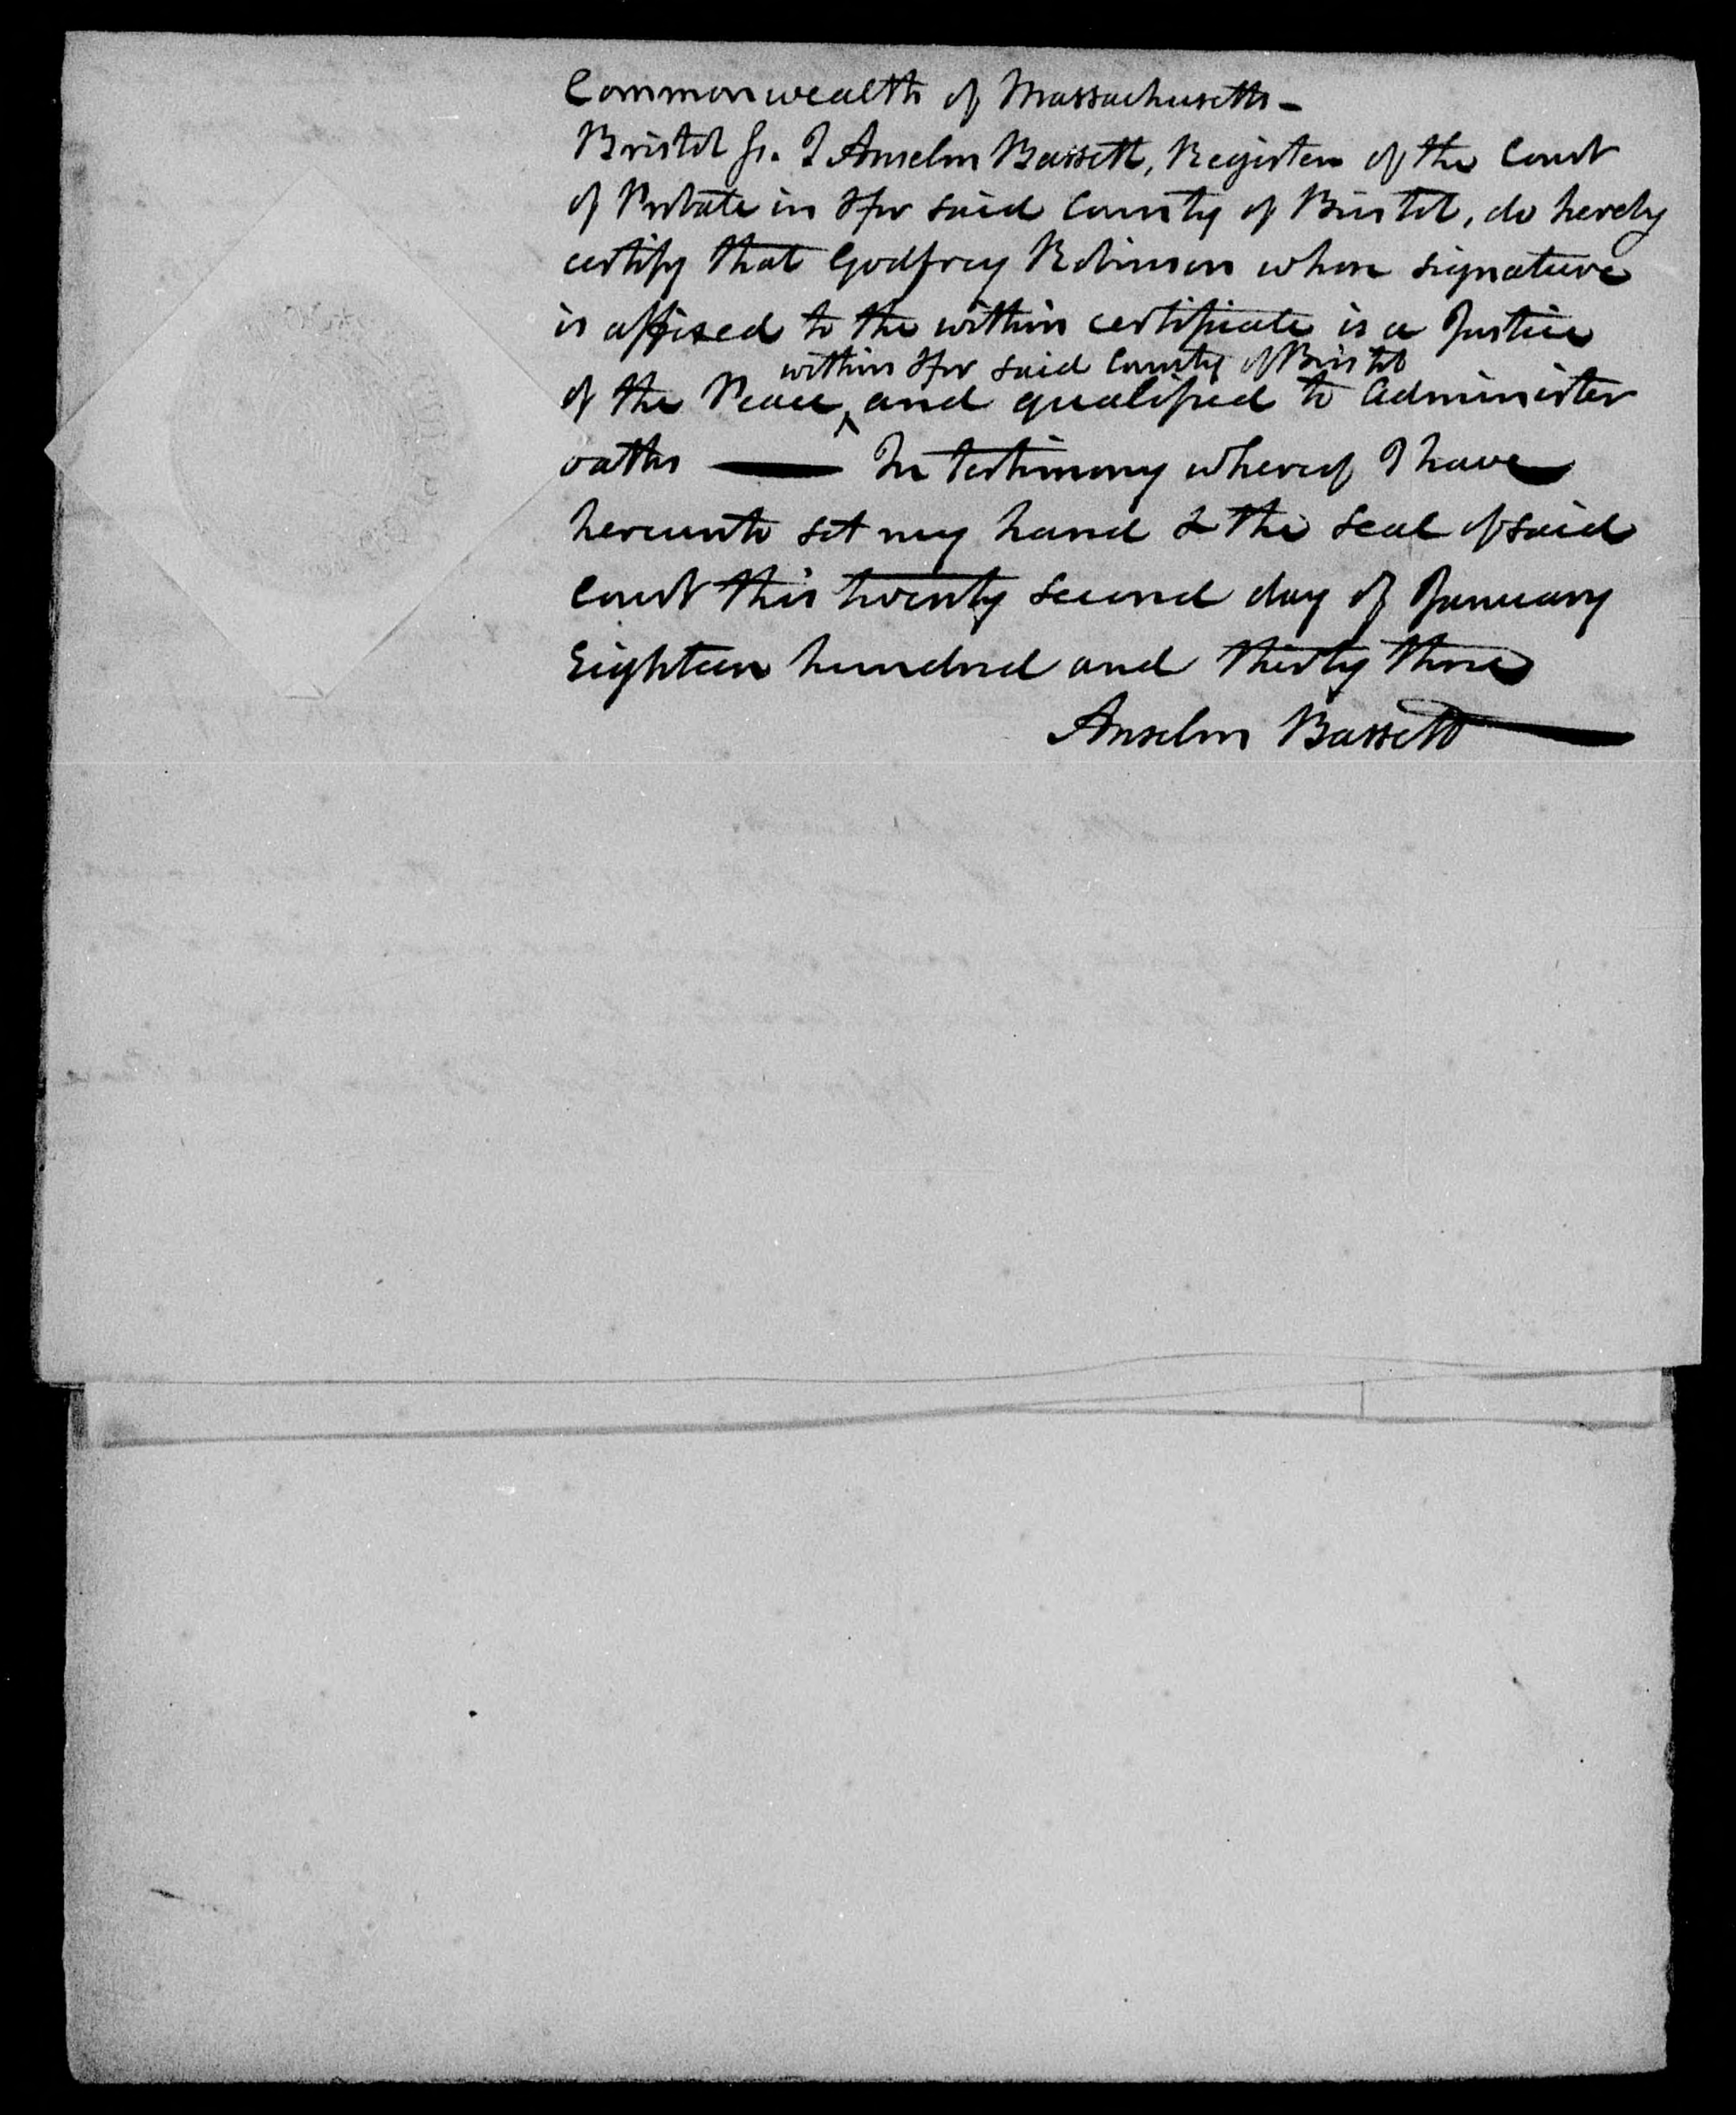Commonwealth of Massachusetts
Bristol Ss. J Anselm Bassett, Register of the Court
of Probate in the said County of Bristol, do hereby certify that Godfrey Robinson whose signature is affixed to the within certificate is a Justice within for said County of Bristol of the Peace and qualified to administer
oaths - In testimony whereof I have
hereunto set my hand & the seal of said
Court this twenty second day of January
Eighteen hundred and thirty three
Signature of Anselm Barrett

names: Anselm Bassett, Godfrey Robinson, Anselm Bassett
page: 36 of 36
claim: widow's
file: W. 8838, Elijah Gushee, Mass.